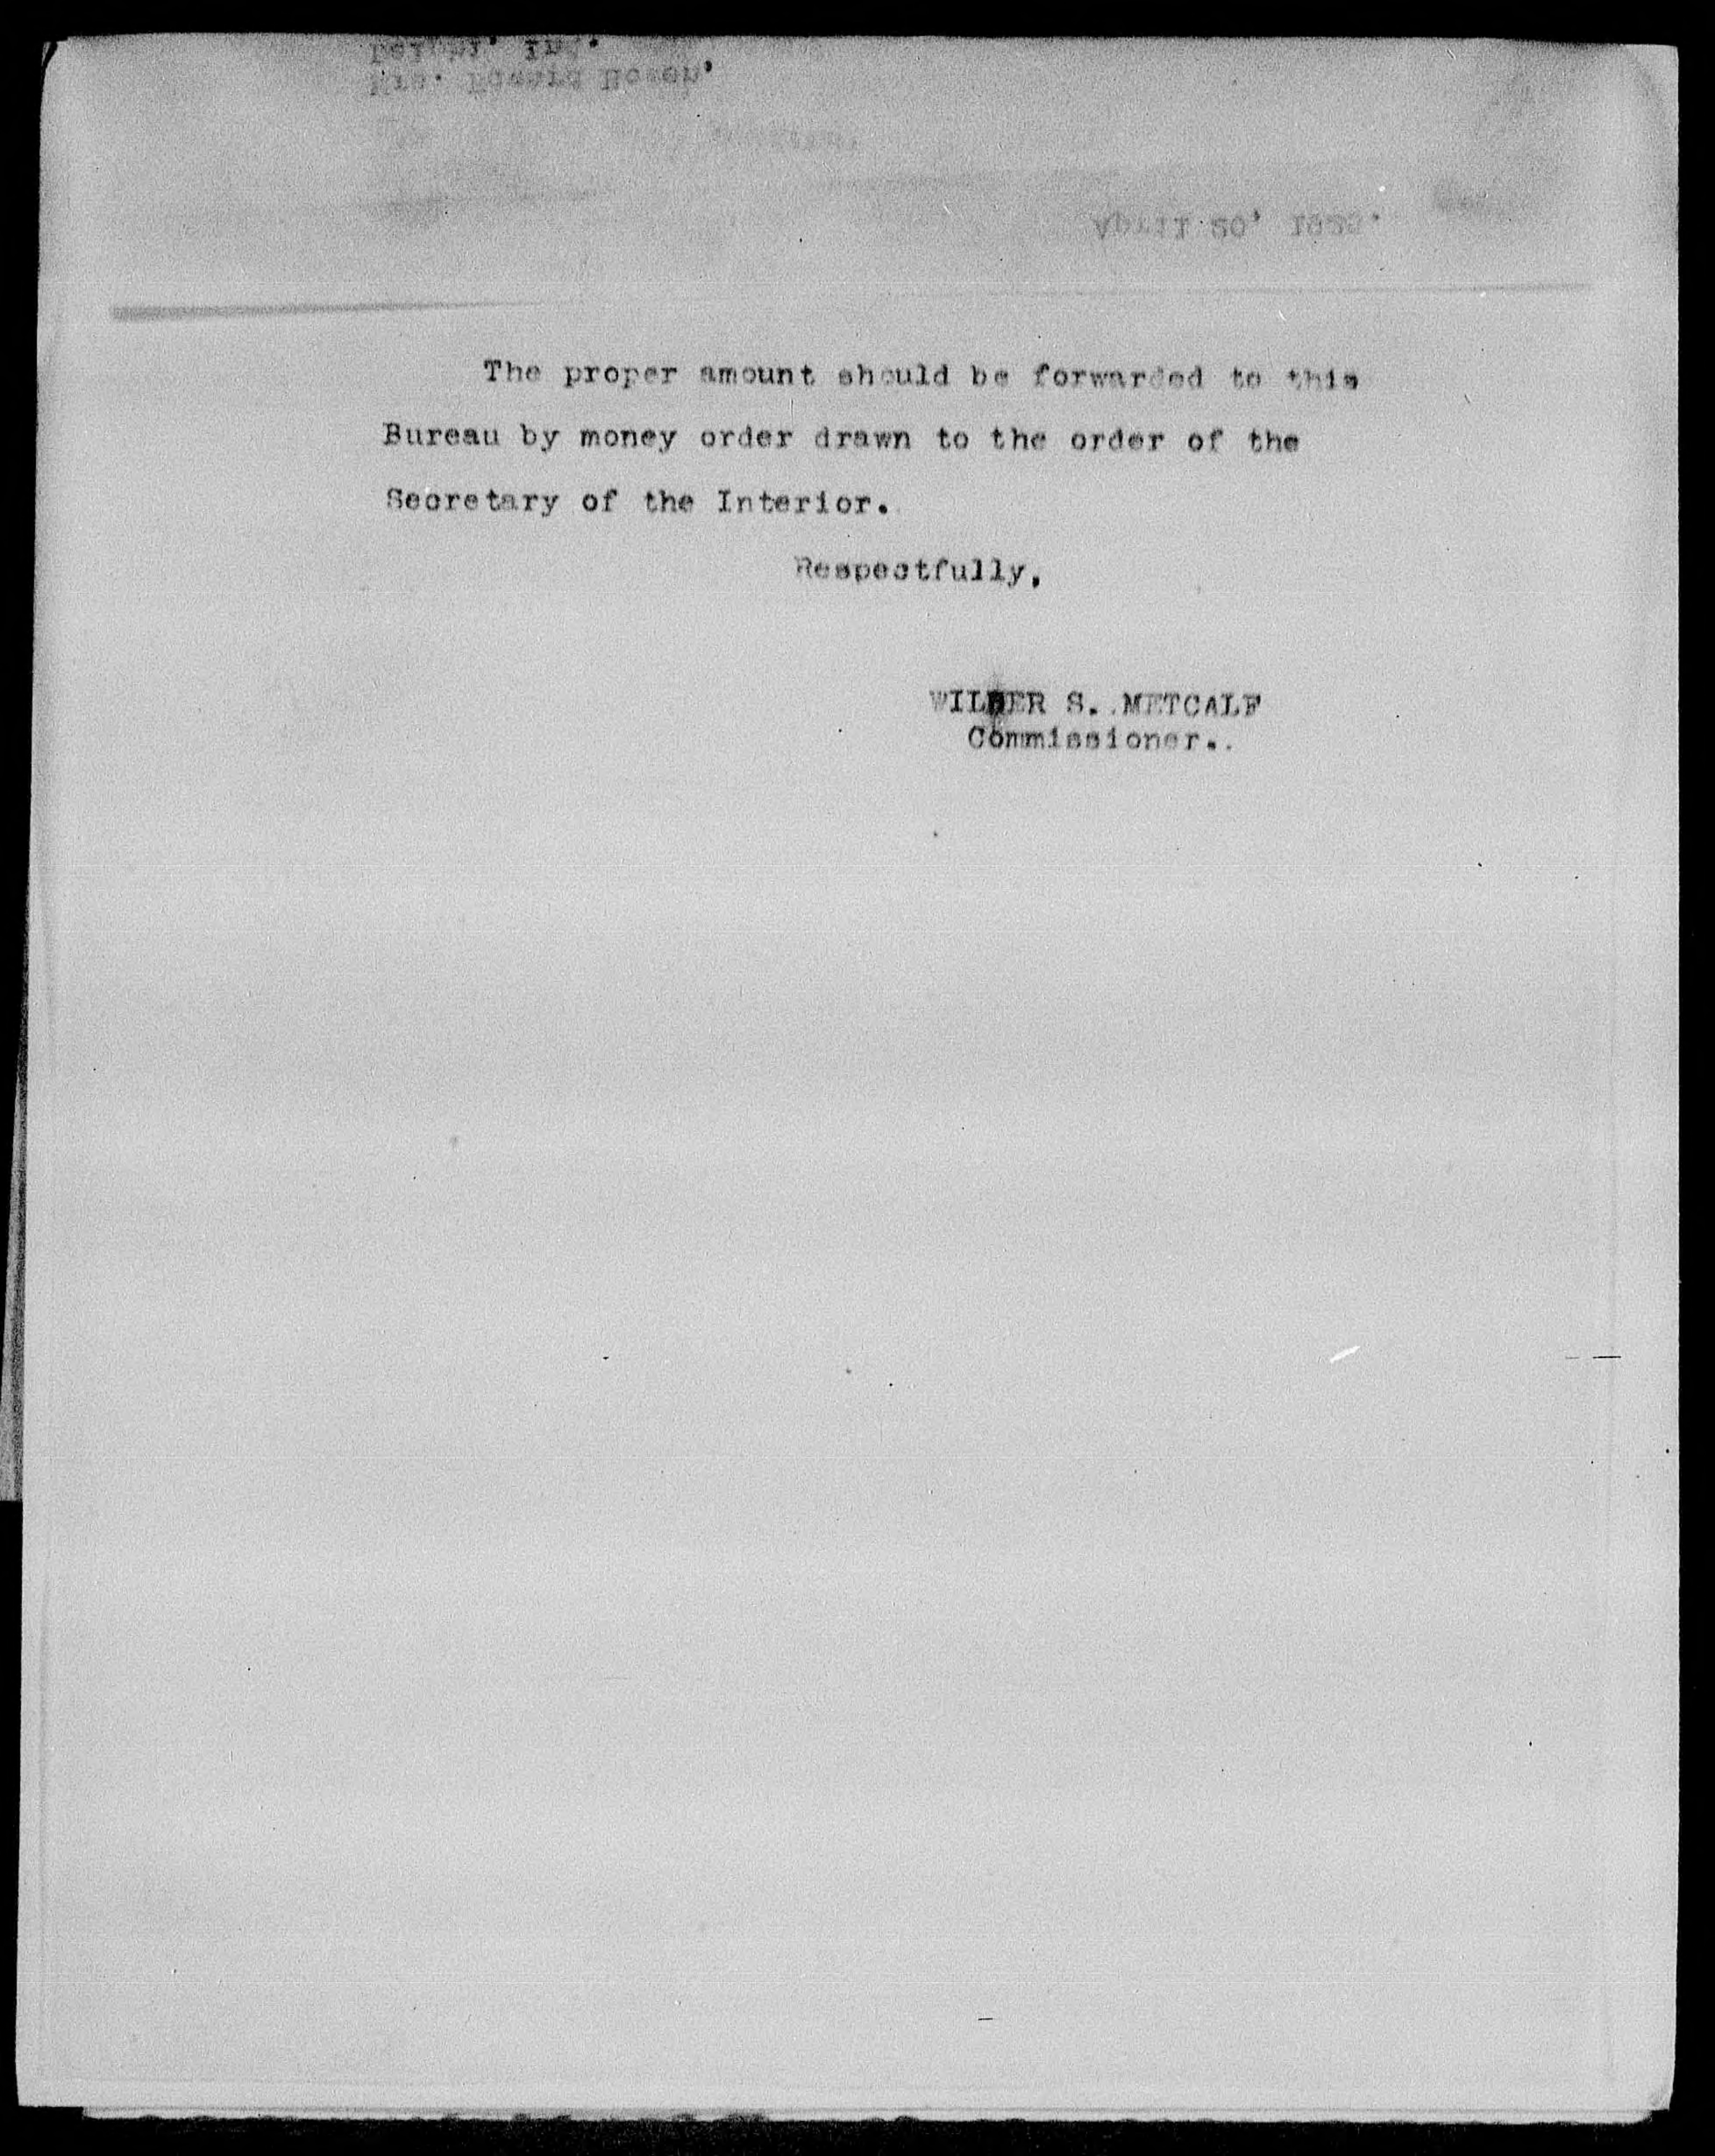The proper amount should be forwarded to this Bureau by money order drawn to the order of the Secretary of the Interior.

Respectfully,
WILDER S. METCALF
Commissioner.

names: Wilber S Metcalf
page: 36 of 37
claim: rejected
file: R. 2516, Moses Crosley, Md.